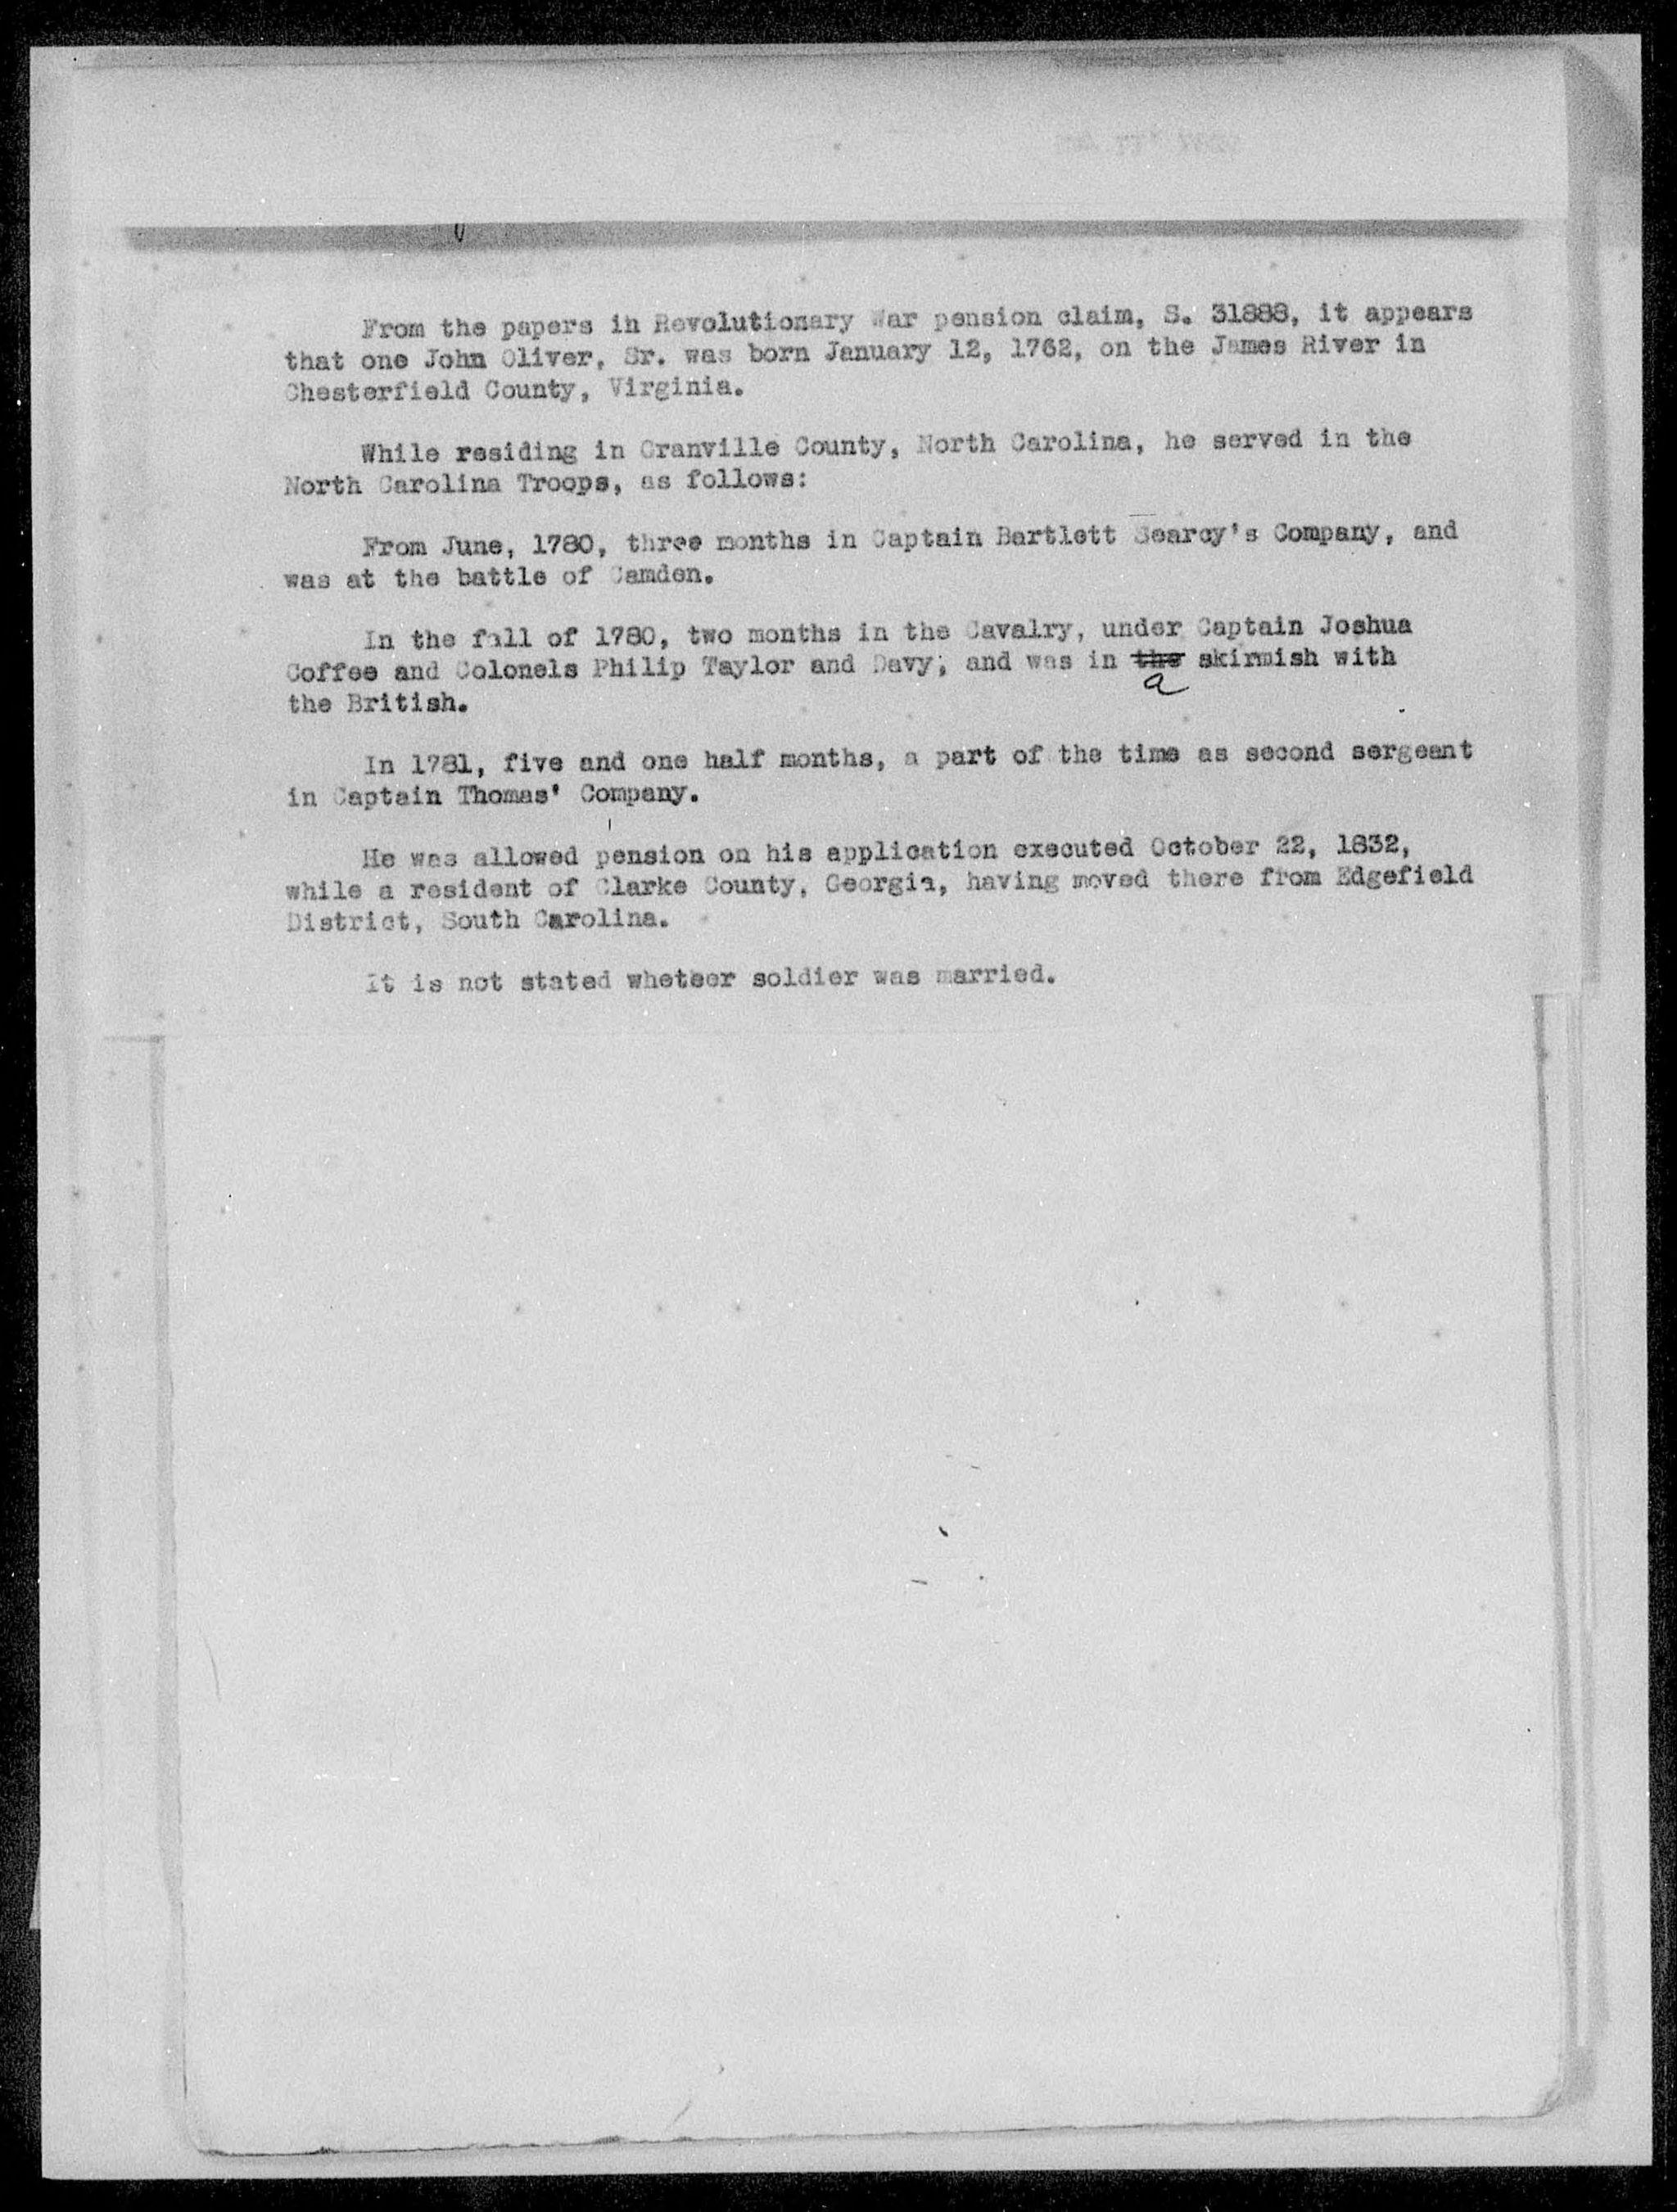From the papers in Revolutionary War pension claim, S.31888, it appears that one John Oliver, Sr. was born January 12, 1762, on the James River in Chesterfield County, Virginia.
      While residing in Granville County, North Carolina, he served in the North Carolina Troops, as follows:
     From June, 1780, three months in Captain Bartlett Searcy's Company, and was at the battle of Camden.
     In the fall of 1780, two months in the Cavalry, under Captain Joshua Coffee and Colonels Philip Taylor and Davy, and was in a skirmish with the British.
     In 1781, five and one half months, a part of the time a second sergeant in Captain Thomas' Company.
     He was allowed pension on his application executed October 22, 1832, while a resident of Clarke County, Georgia, having moved there from Edgefield District, South Carolina.
     It is not stated whether soldier was married.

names: Joshua Coffee; Philip Taylor; Philip Davy; John Oliver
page: 30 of 32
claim: survivor's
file: S. 31888, for John Oliver, North Carolina